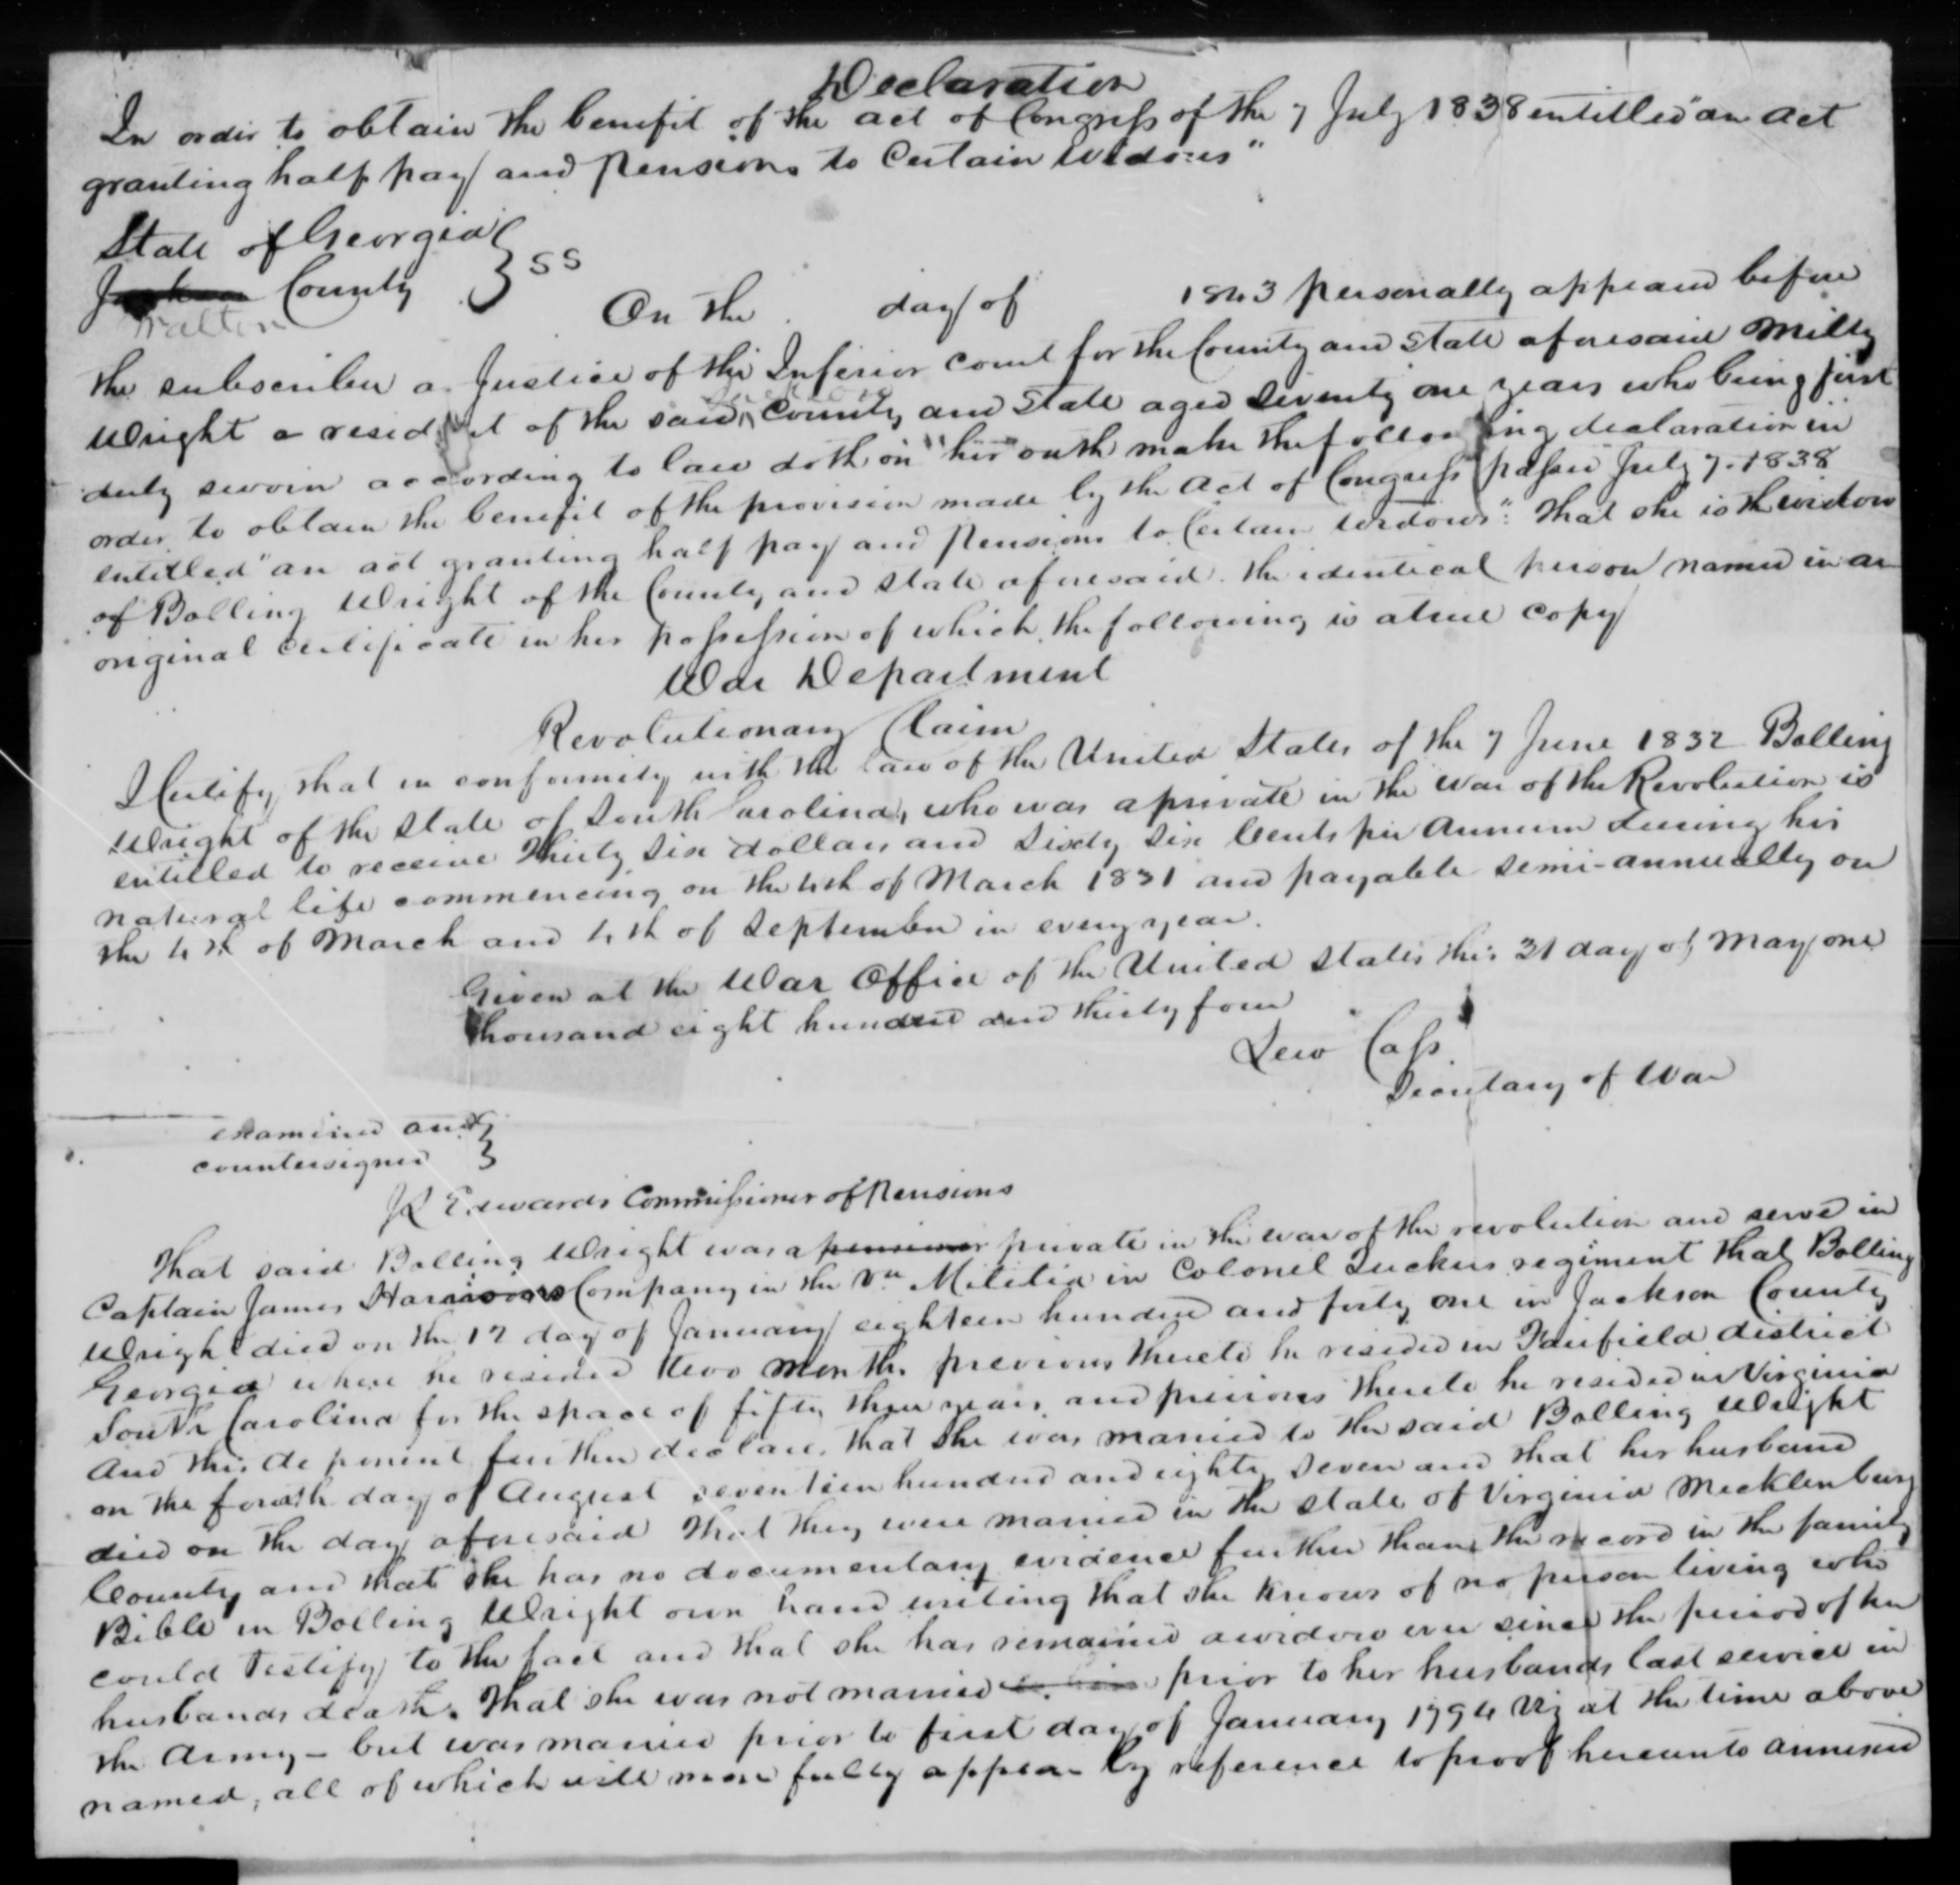Declaration
In order to obtain the benefit of the act of Congress of the 7 July 1838 entitled "an act granting half pay and pension to certain widows"
State of Georgia Walton County } SS
On the day of 1843 personally appeared before the subscriber a Justice of the Inferior court for the County and state aforesaid Milly Wright a resident of the said Jackson County and state aged seventy one years who being first duly sworn according to law doth on her oath make the following declaration in order to obtain the benefit of the provision made by the act of Congress passed July 7 1838 entitled "an act granting half pay and pension to certain widows" That she is the widow of Bolling Wright of the County and state aforesaid the identical person named in an original certificate in her possession of which the following is a true copy
War Department
Revolutionary Claim
I testify that in conformity with the law of the United States of the 7 June 1832 Bolling Wright of the state of South Carolina who was a private in the war of the Revolution is entitled to receive thirty six dollars and sixty six cents per annum during his natural life commencing on the 4th of March 1831 and payable semi-annually on the 4th of March and 4th of September in every year.
Given at the War Office of the United states this 31 day of May one thousand eight hundred and thirty four
Lew Cass Secretary of War
examined and countersigned } JL Edwards Commissioner of Pensions

That said Bolling Wright was a private in the war of the revolution and served in Captain Hames Harrisons Company in the Va Militia in Colonel Tuckers regiment that Bolling Wright died on the 12 day of January eighteen hundred and forty one in Jackson County Georgia where he resided two months previous thereto he resided in Fairfield district South Carolina for the space of fifty three years and previous thereto he resided in Virginia and this department further declares that she was married to the said Bolling Wright on the fourth day of August seventeen hundred and eighty seven and that her husband died on the day aforesaid That they were married in the state of Virginia Mecklenburg County and that she has no documentary evidence further than the record in the family Bible in Bolling Wright own hand writing that she knows of no person living who could testify to the fact and that she has remained a widow ever since the period of her husbands death. That she was not married prior to her husbands last service in the Army _ but was married prior to first day of January 1794 viz at the time above named, all of which will more fully appear by reference to proof hereunto annexed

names: J L Edwards, Lew Cass, Milly Wright, Bolling Wright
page: 26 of 81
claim: widow's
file: W. 5183, Bolling Wright, Va.